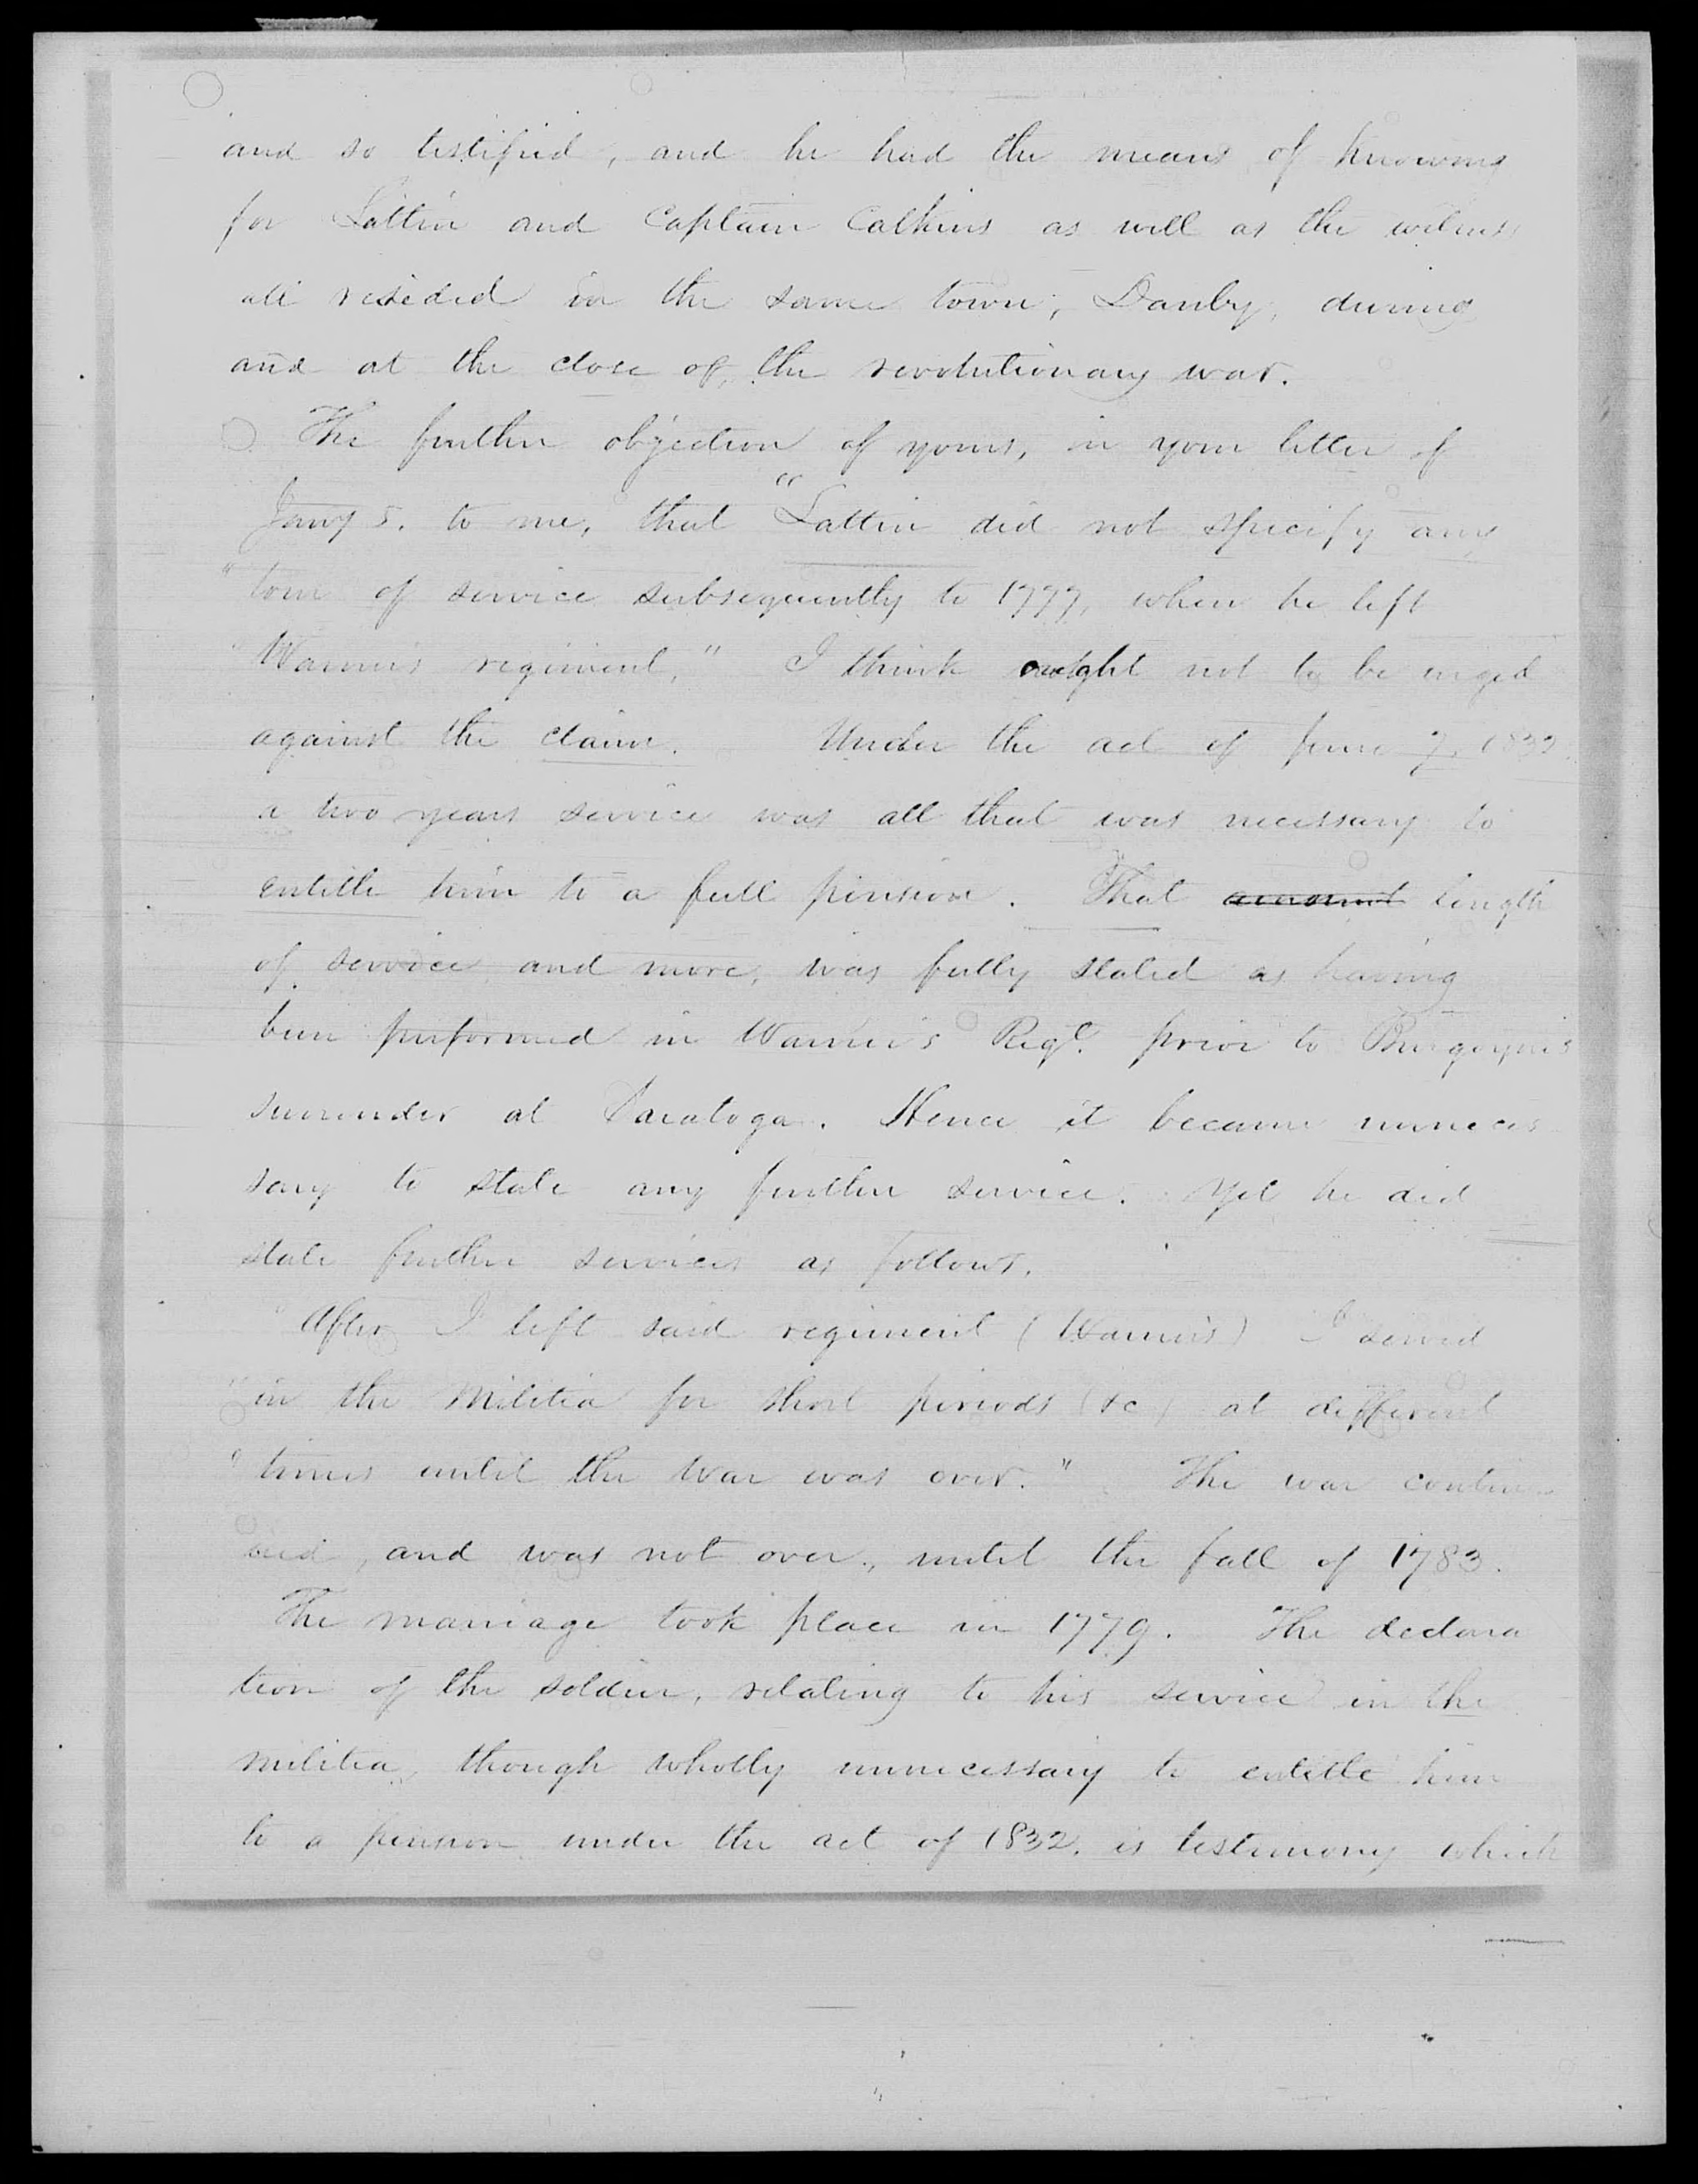and so testified. And he had the means of knowing, 
for Lattin and Captain Calkins, as well as the witness,
all resided in the same town, Danby, during
and at the close of the revolutionary war.
The further objection of yours, in your letter of
Jany 5. to me, that “Lattin did not specify any
tour of service subsequently to 1777, when he left
Warner’s regiment,” I think ought not to be argued
against the claim. Under the act of June 7, 1832, a
two years service was all that was necessary to
entitle him to a full pension. That length
of service and more, was fully stated as having been
performed in Warners Reg’t prior to Burgoyne’s
surrender at Saratoga. Hence it became unnecessary
to state any further service. Yet he did state further services as follows
“After I left said regiment (Warner’s) I served
in the Militia for short periods &c at different times
until the war was over." The war continued and was
 not over, until the fall of 1783.
The marriage took place in 1779. The declaration of the soldier, relating to his service in the militia, though wholly unnecessary to entitle him to a pension under the act of 1832, is testimony which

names: [BLANK] Lattin; [BLANK] Calkins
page: 78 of 99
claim: widow's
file: W. 24,482, for Richard Lattin, Vermont